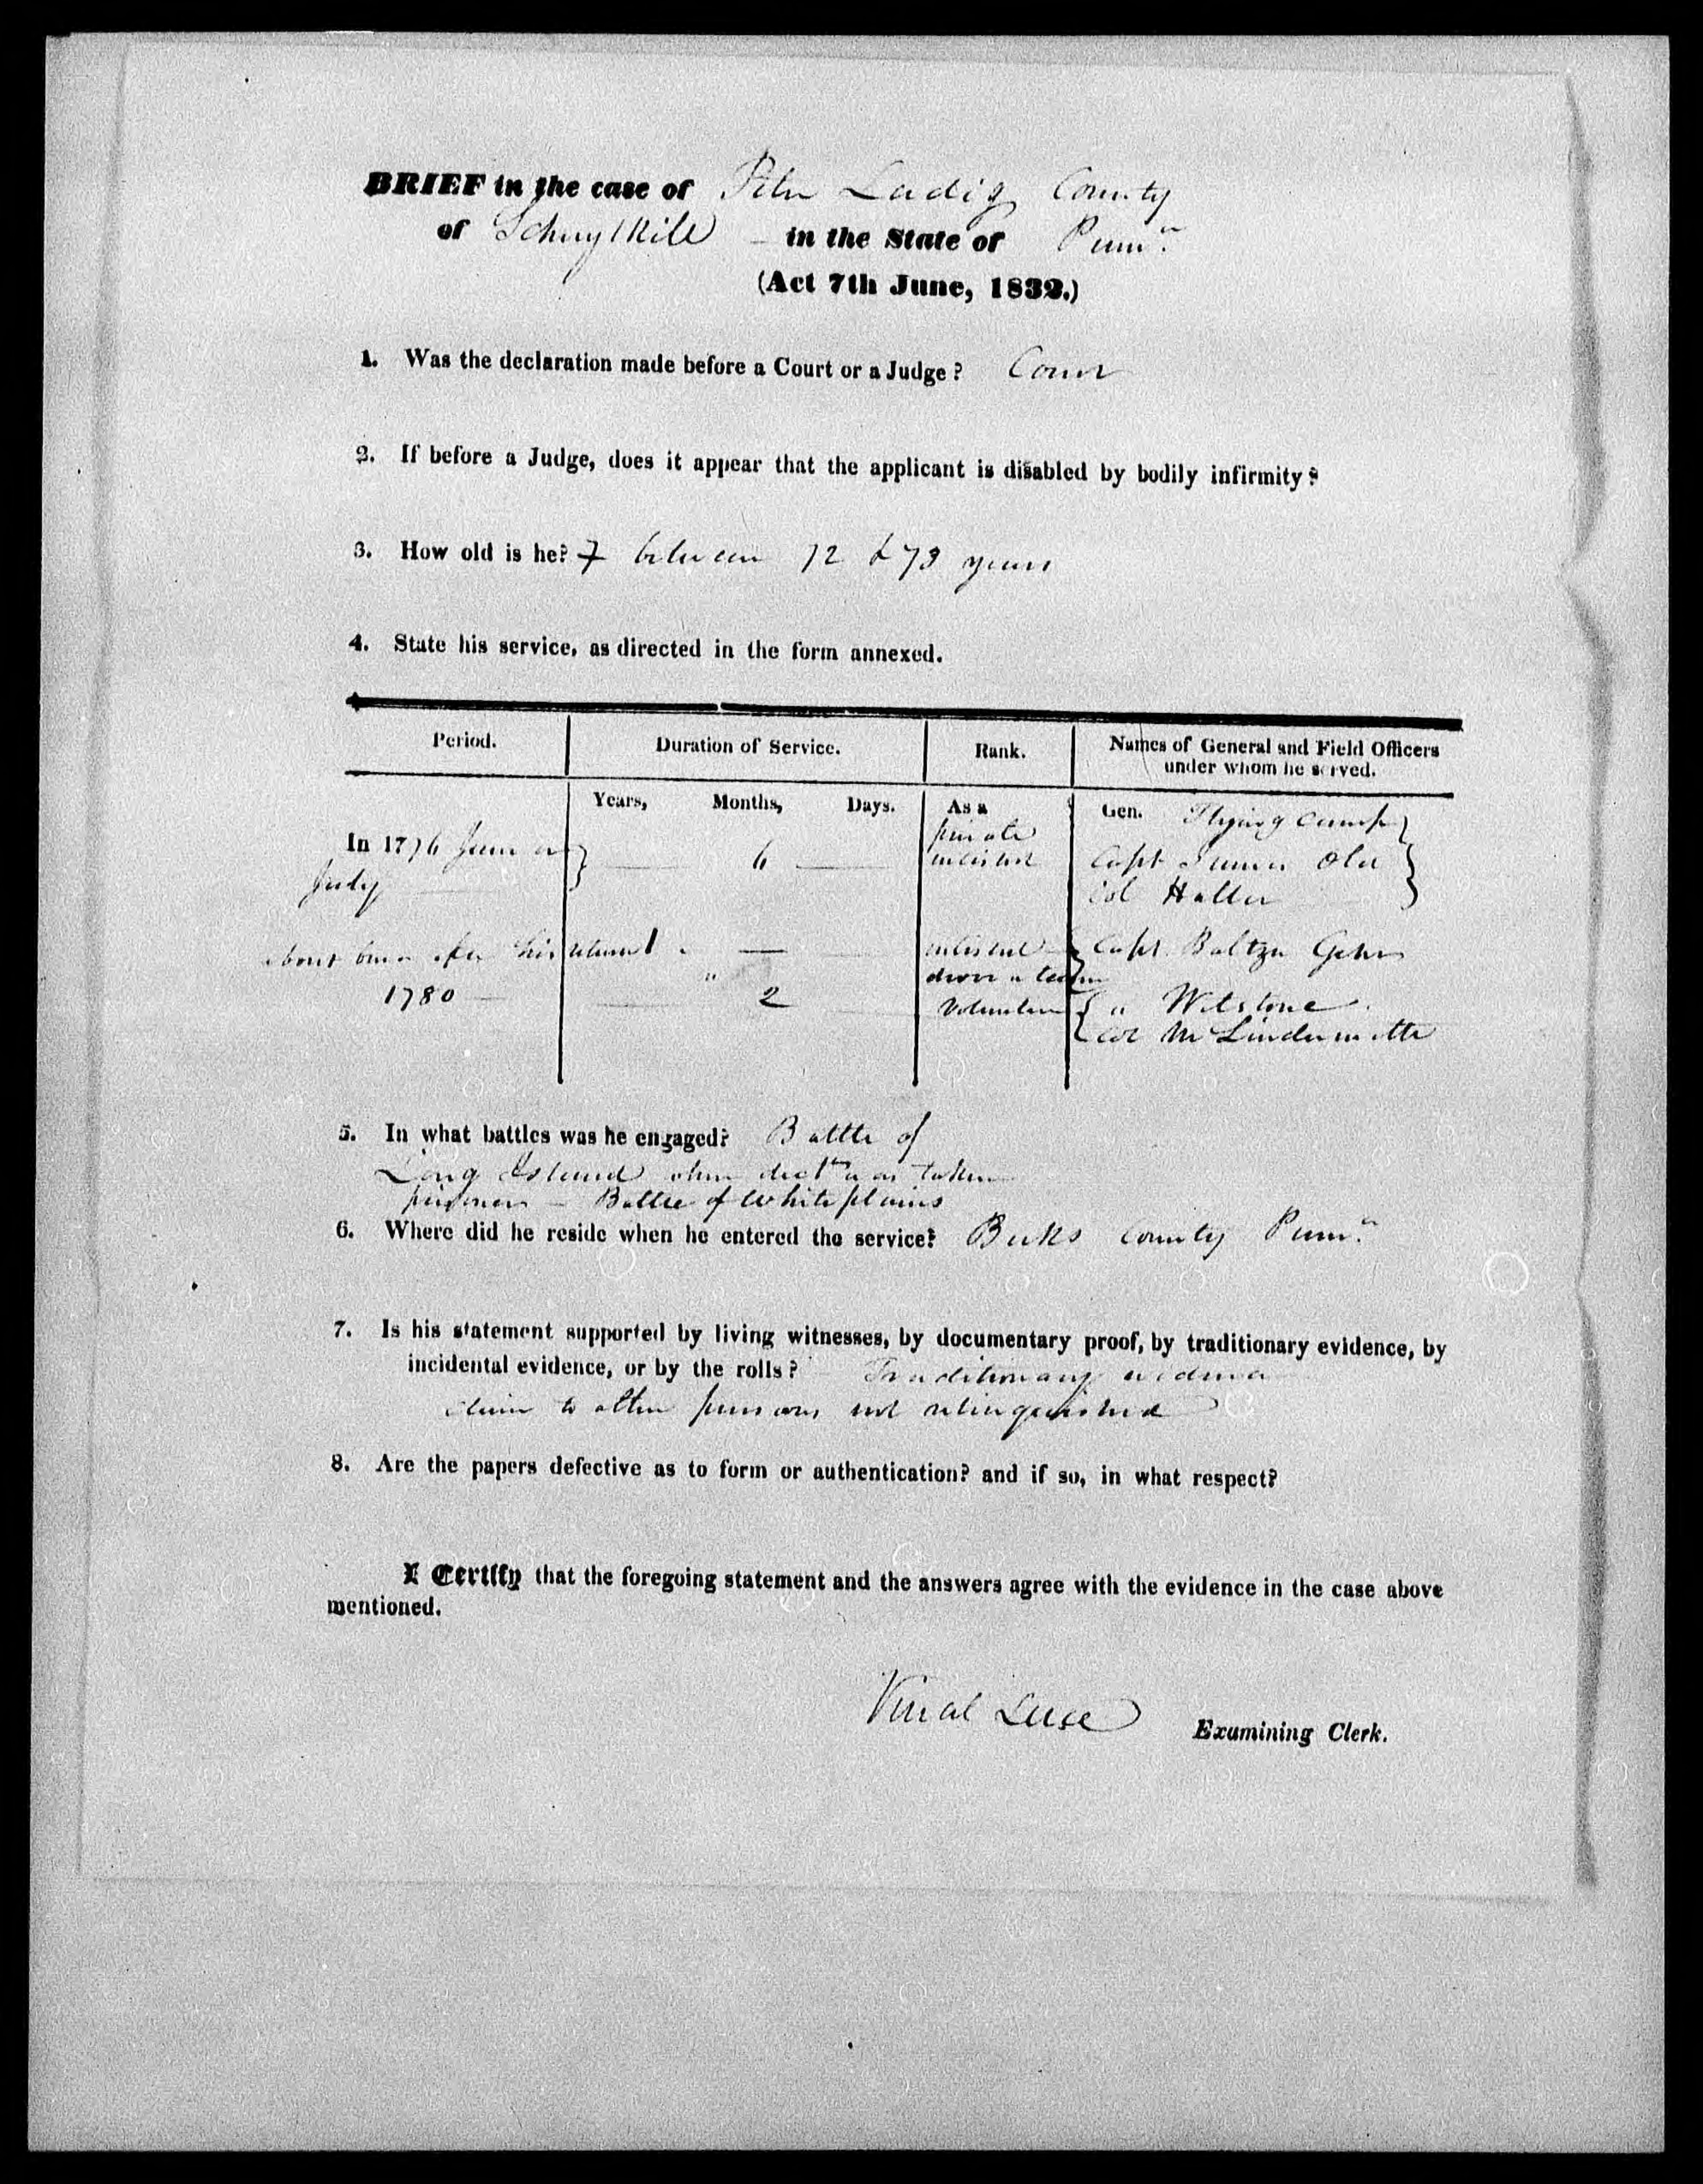BRIEF in the case of Peter Ladiz County
of Schuylkill
in the State of Penn.
(Act 7th June, 1832.)
1. Was the declaration made before a Court or a Judge? Court
2. If before a Judge, does it appear that the applicant is disabled by bodily infirmity?
3. How old is he? 7 between 72 & 73 years
4. State his service, as directed in the form annexed.
Period.    Duration of Service. Rank.  Names of General and Field Officers
under whom he served. 

In 1776 June or July, 6 months as a private enlisted,  Gen. Flynn g Camp, Capt James Ola, Col. Haller
about time after his term, 1 yr, rank enlisted, down a term Capt Baltzer Gehr
1780, 2 months, volunteer, Witstone,  Col M Lindermitter

5. In what battles was he engaged? Battle of
Long Island when district was taken
prisoner -  Battle of White Plains
6. Where did he reside when he entered the service? Berks County Penn.

7. Is his statement supported by living witnesses, by documentary proof, by traditionary evidence, by
incidental evidence, or by the rolls?
Traditionary evidence
claim to obtain forms, not relinquished
8. Are the papers defective as to form or authentication? and if so, in what respect?
I certify that the foregoing statement and the answers agree with the evidence in the case above
Viral Luce
Examining Clerk.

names: [BLANK] Wetstone; [BLANK] Haller; James Old; Vinal Luce; Baltzer Gehr; M Lindermuth; Peter Ladig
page: 4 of 17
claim: survivor's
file: S. 4499, for Peter Ladig, Pennsylvania